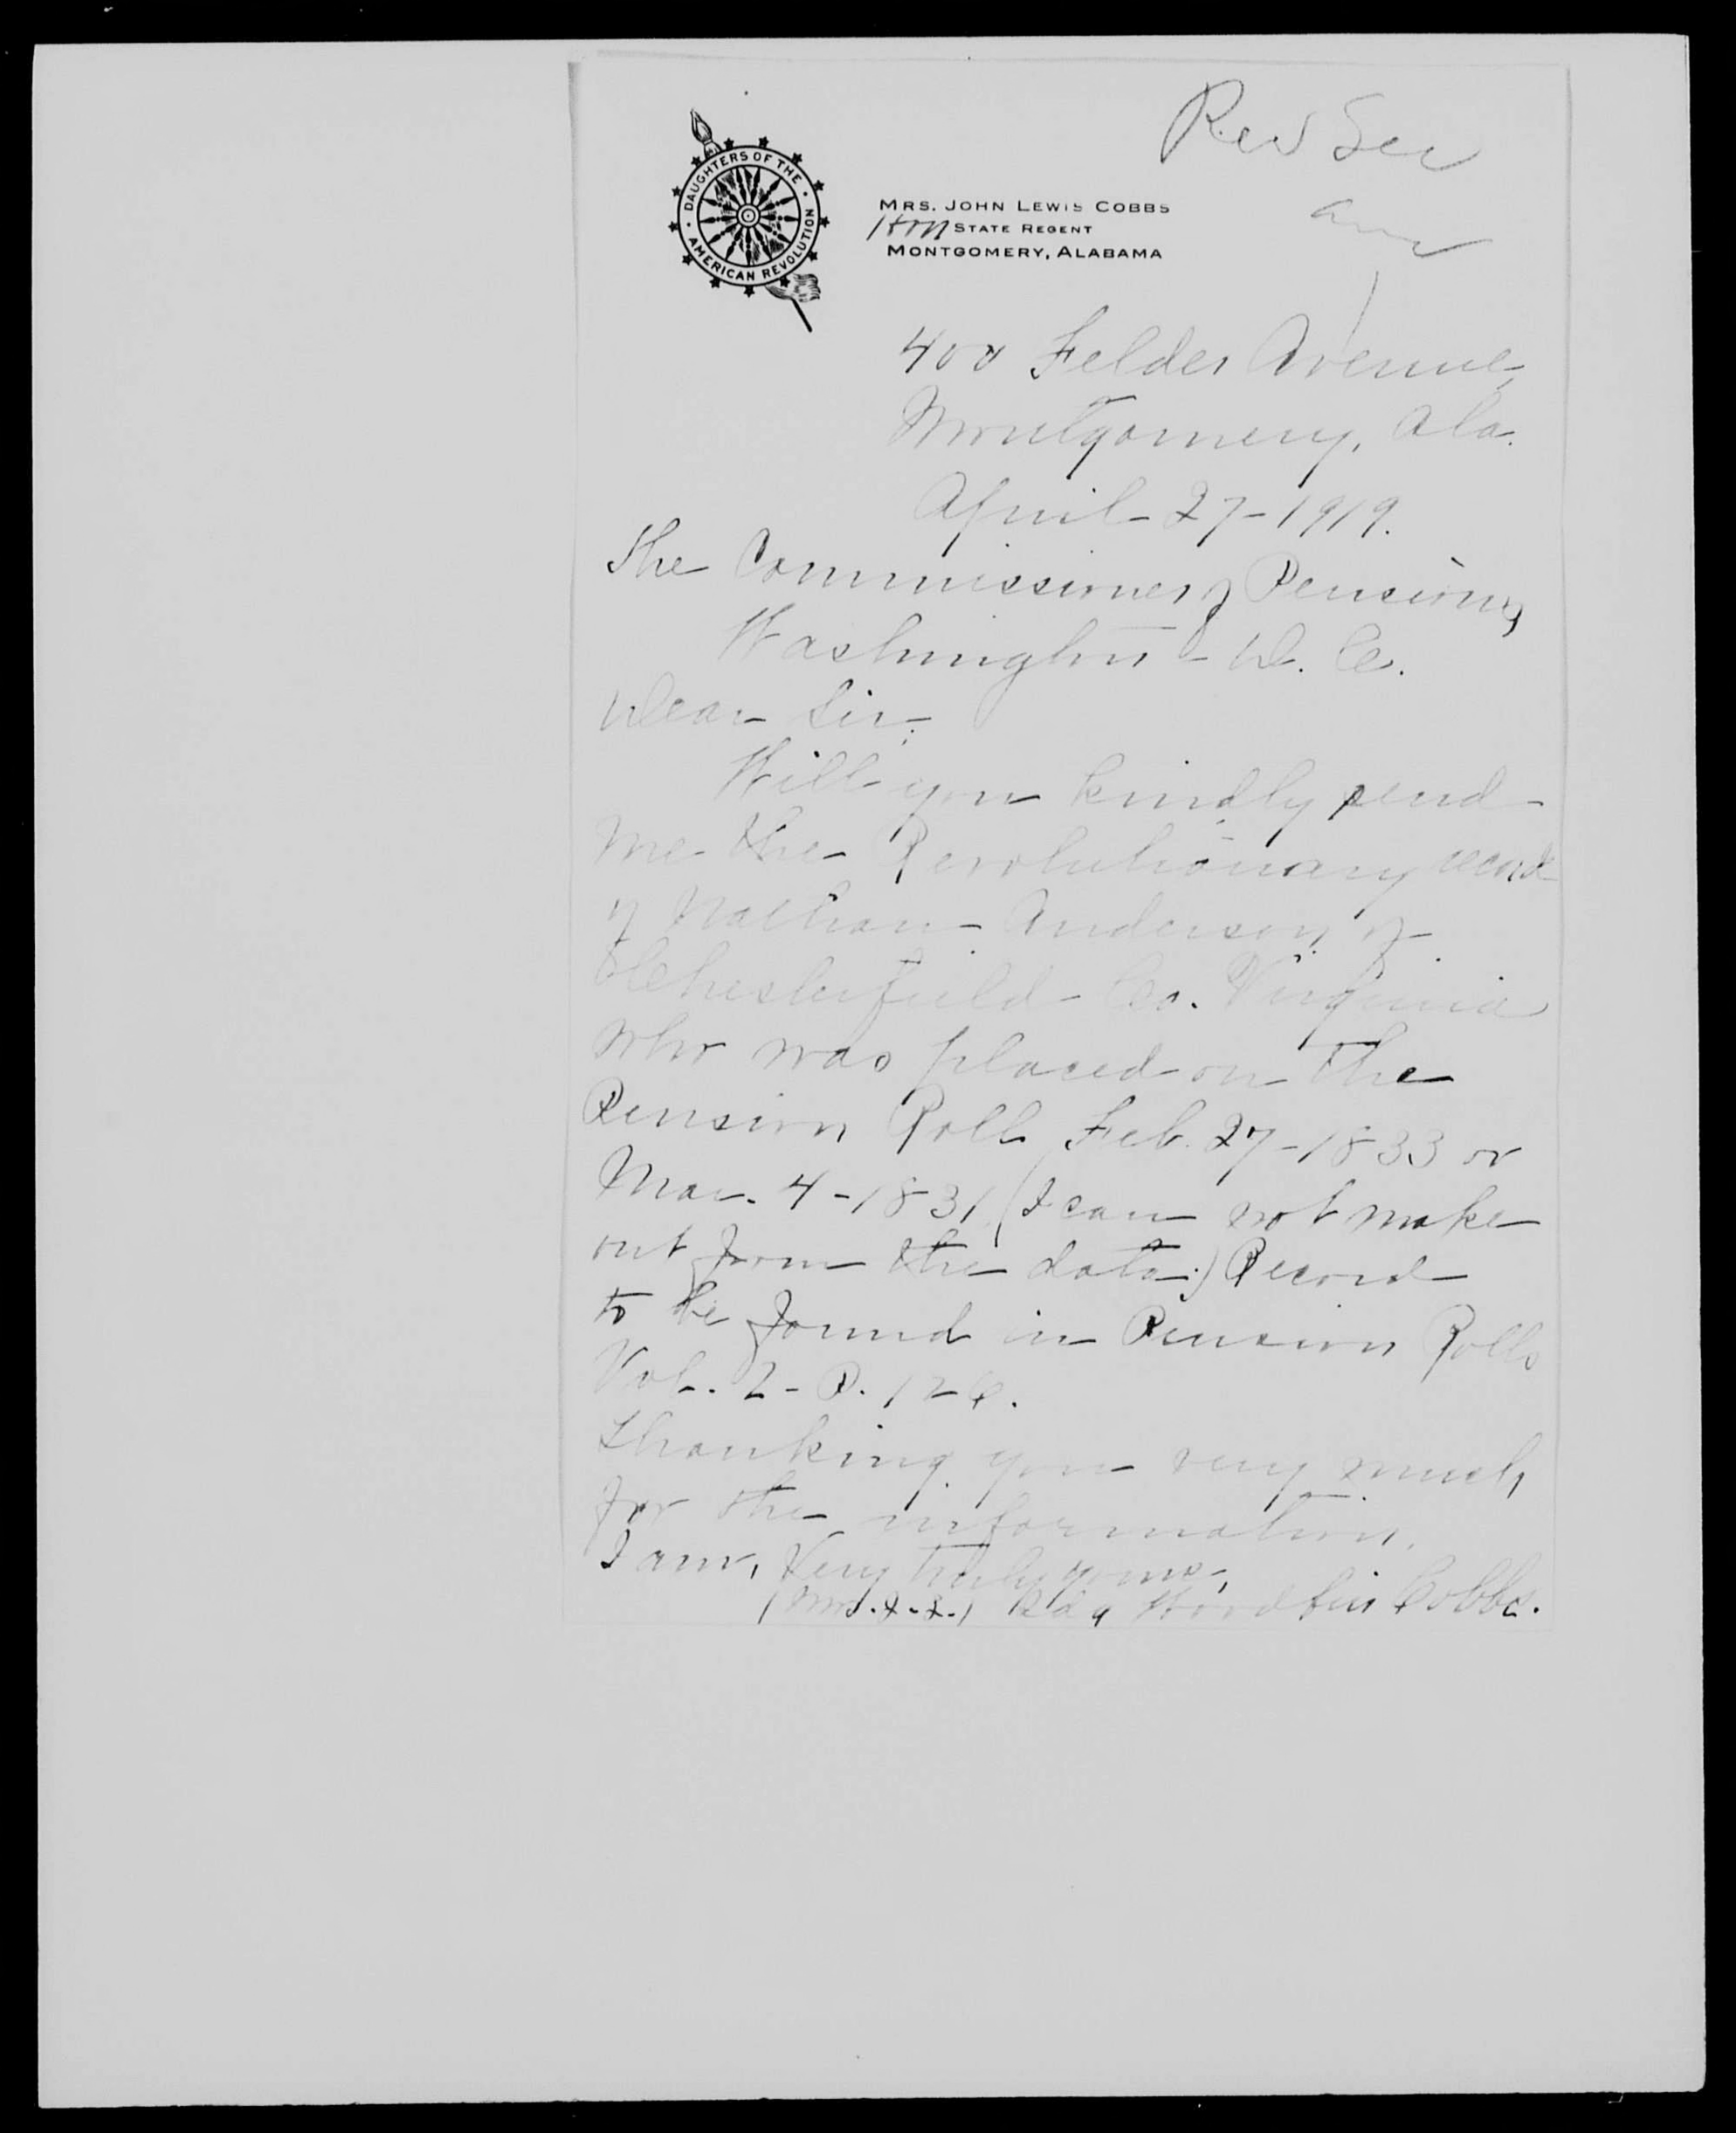Rev Sec
anc

DAUGHTERS OF THE AMERICAN REVOLUTION
MRS. JOHN LEWIS COBBS
HON STATE REGENT
MONTGOMERY, ALABAMA

400 Felder Avenue
Montgomery, Ala.
April - 27 - 1919.

The Commissioner of Pensions
Washington - D. C.
Dear Sir:
Will you kindly send me the Revolutionary record of Nathan Anderson of Chesterfield Co. Virginia who was placed on the Pension Roll Feb. 27 - 1833 or Mar. 4 - 1831 (I can not make out from the data.)  Record to be found in Pension Rolls Vol. 2  P. 126.
Thanking you very much for the information, 
I am, Very truly yours,
(Mrs. J. L.) Ada Woodfin Cobbs.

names: Woodfin Cobbs, John Lewis Cobbs, Nathan Anderson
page: 37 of 43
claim: widow's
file: W. 5,626, Nathan Anderson, Va.